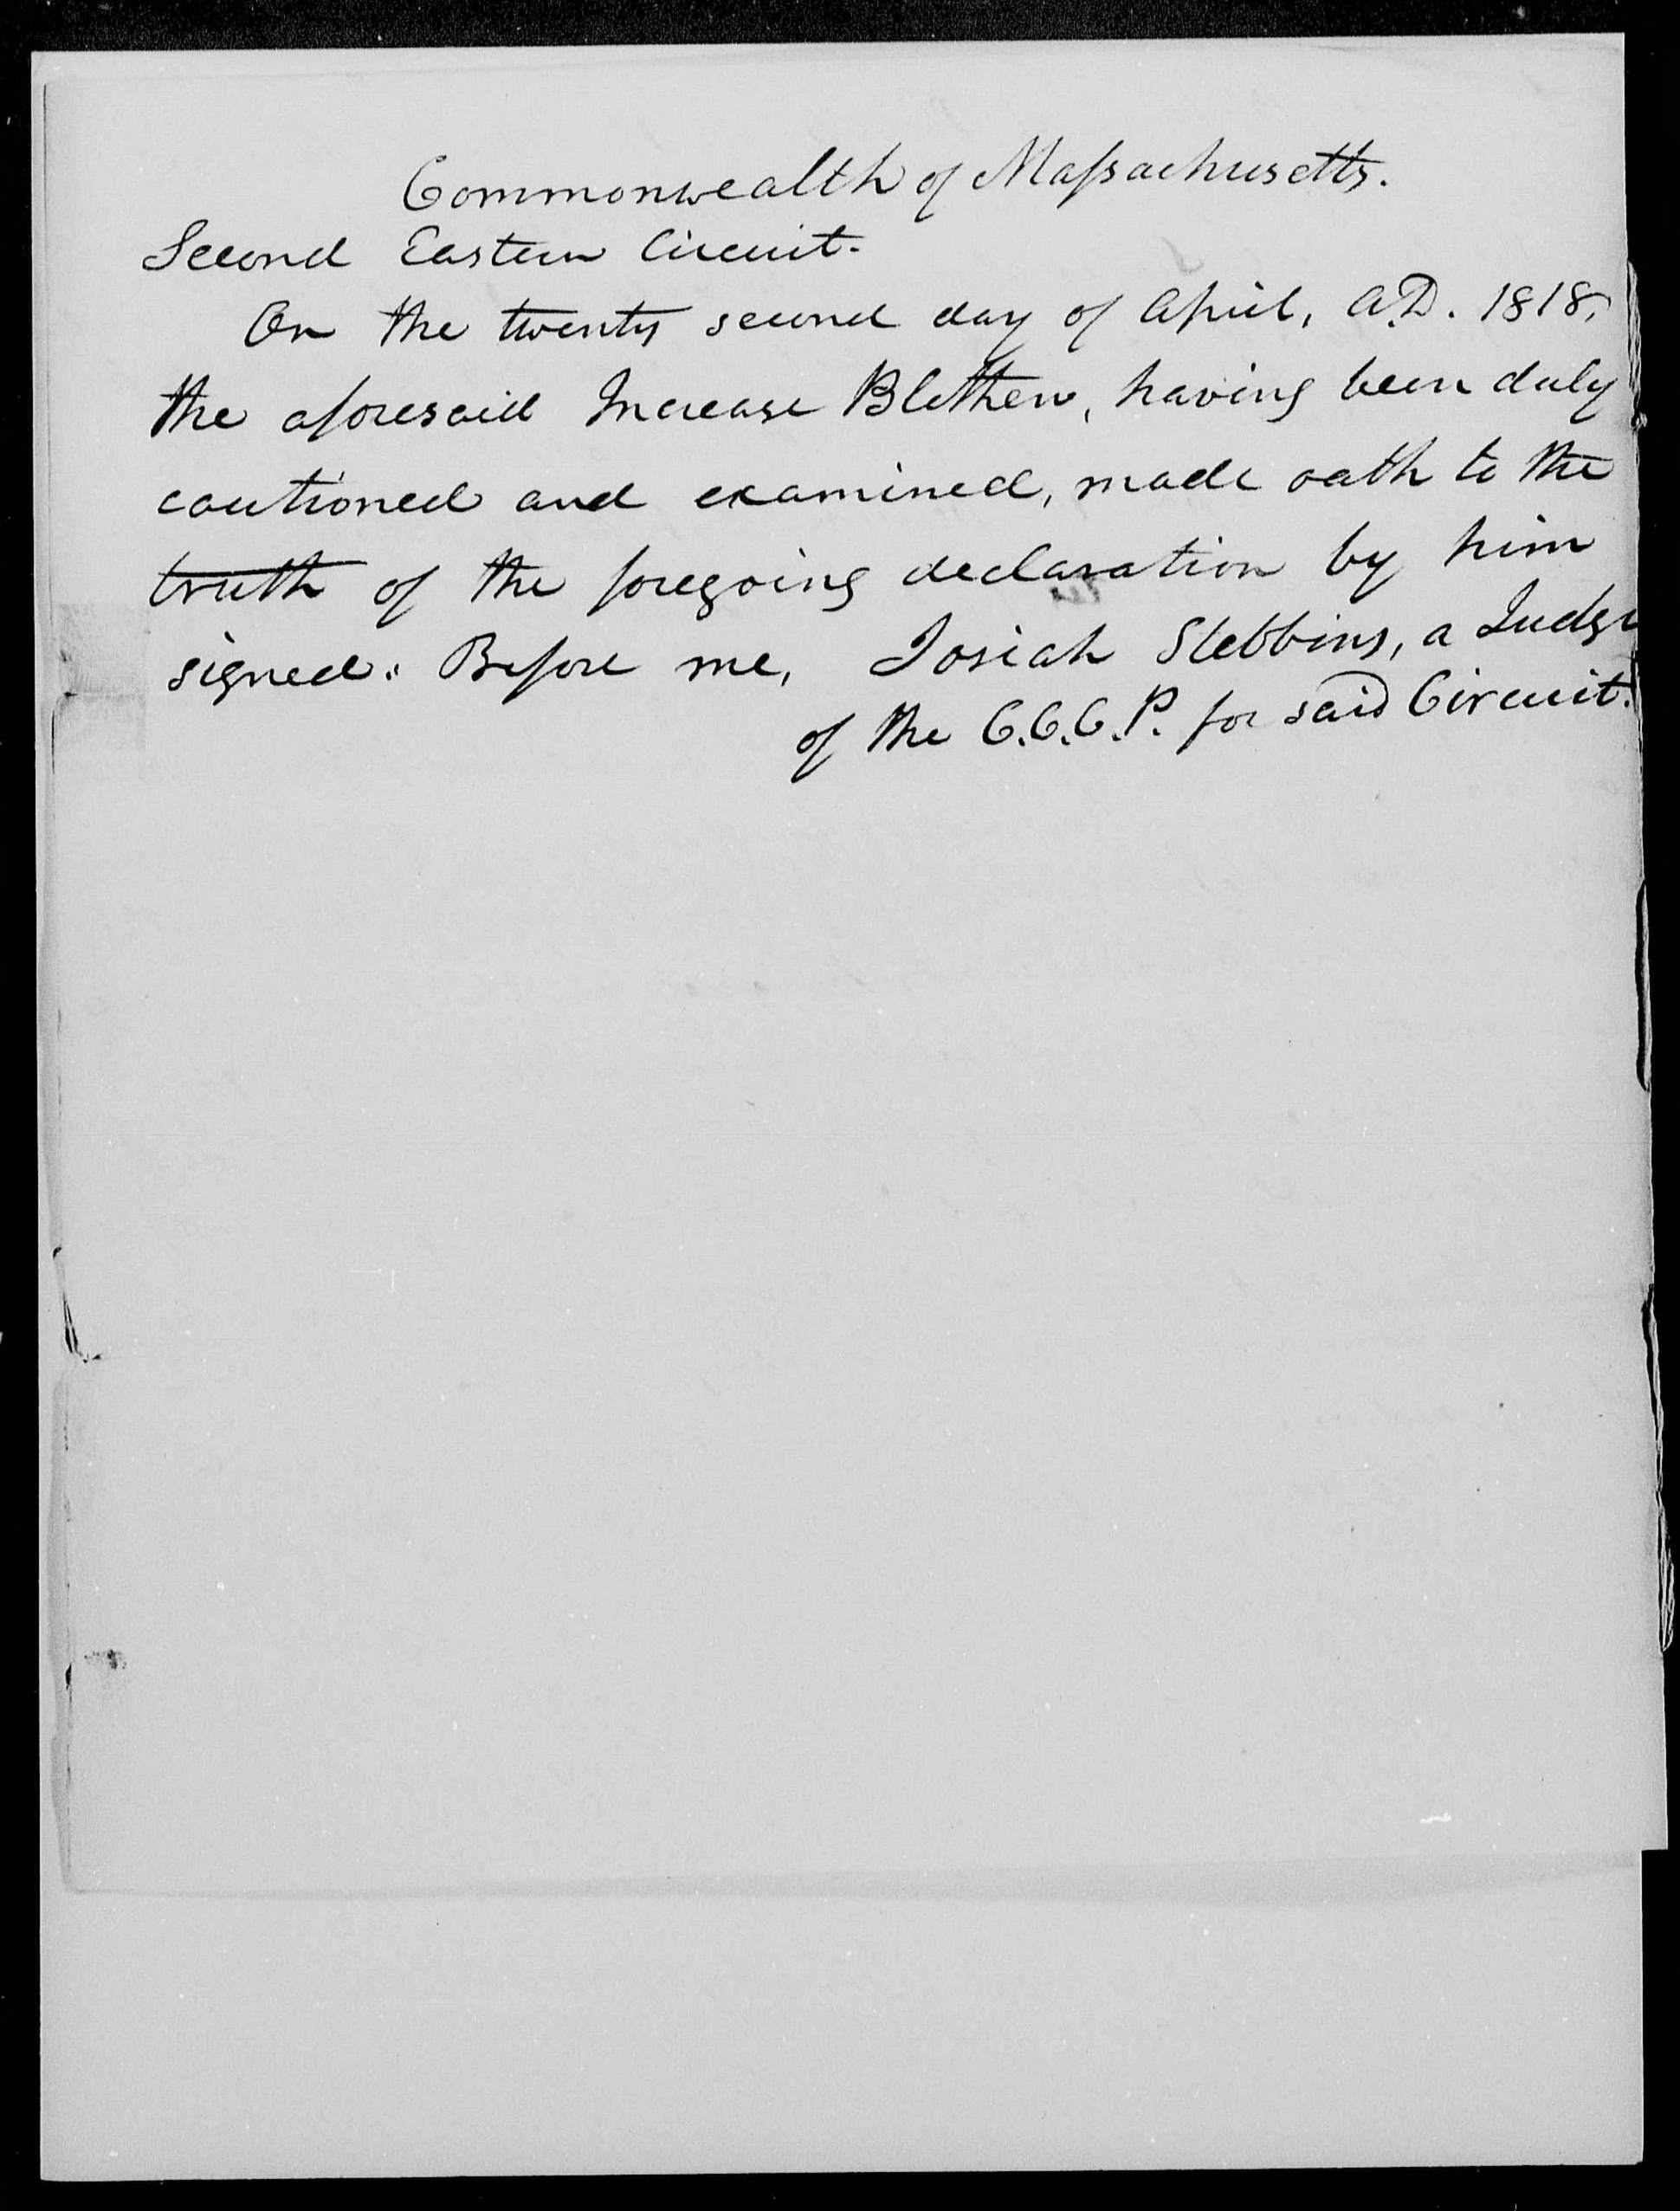Commonwealth of Massachusetts
Second Eastern Circuit
On the twenty second day of April, A.D. 1818
the aforesaid Increase Blethen, having been duly
cautioned and examined, made oath to the
truth of the foregoing declaration by him
signed Before me, Josiah Stebbins, a Judge
of the G.G.G.P. for said Circuit.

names: Increase Blethen, Josiah Stebbins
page: 5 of 39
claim: widow's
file: W. 23,621, Increase Blethen, Mass.